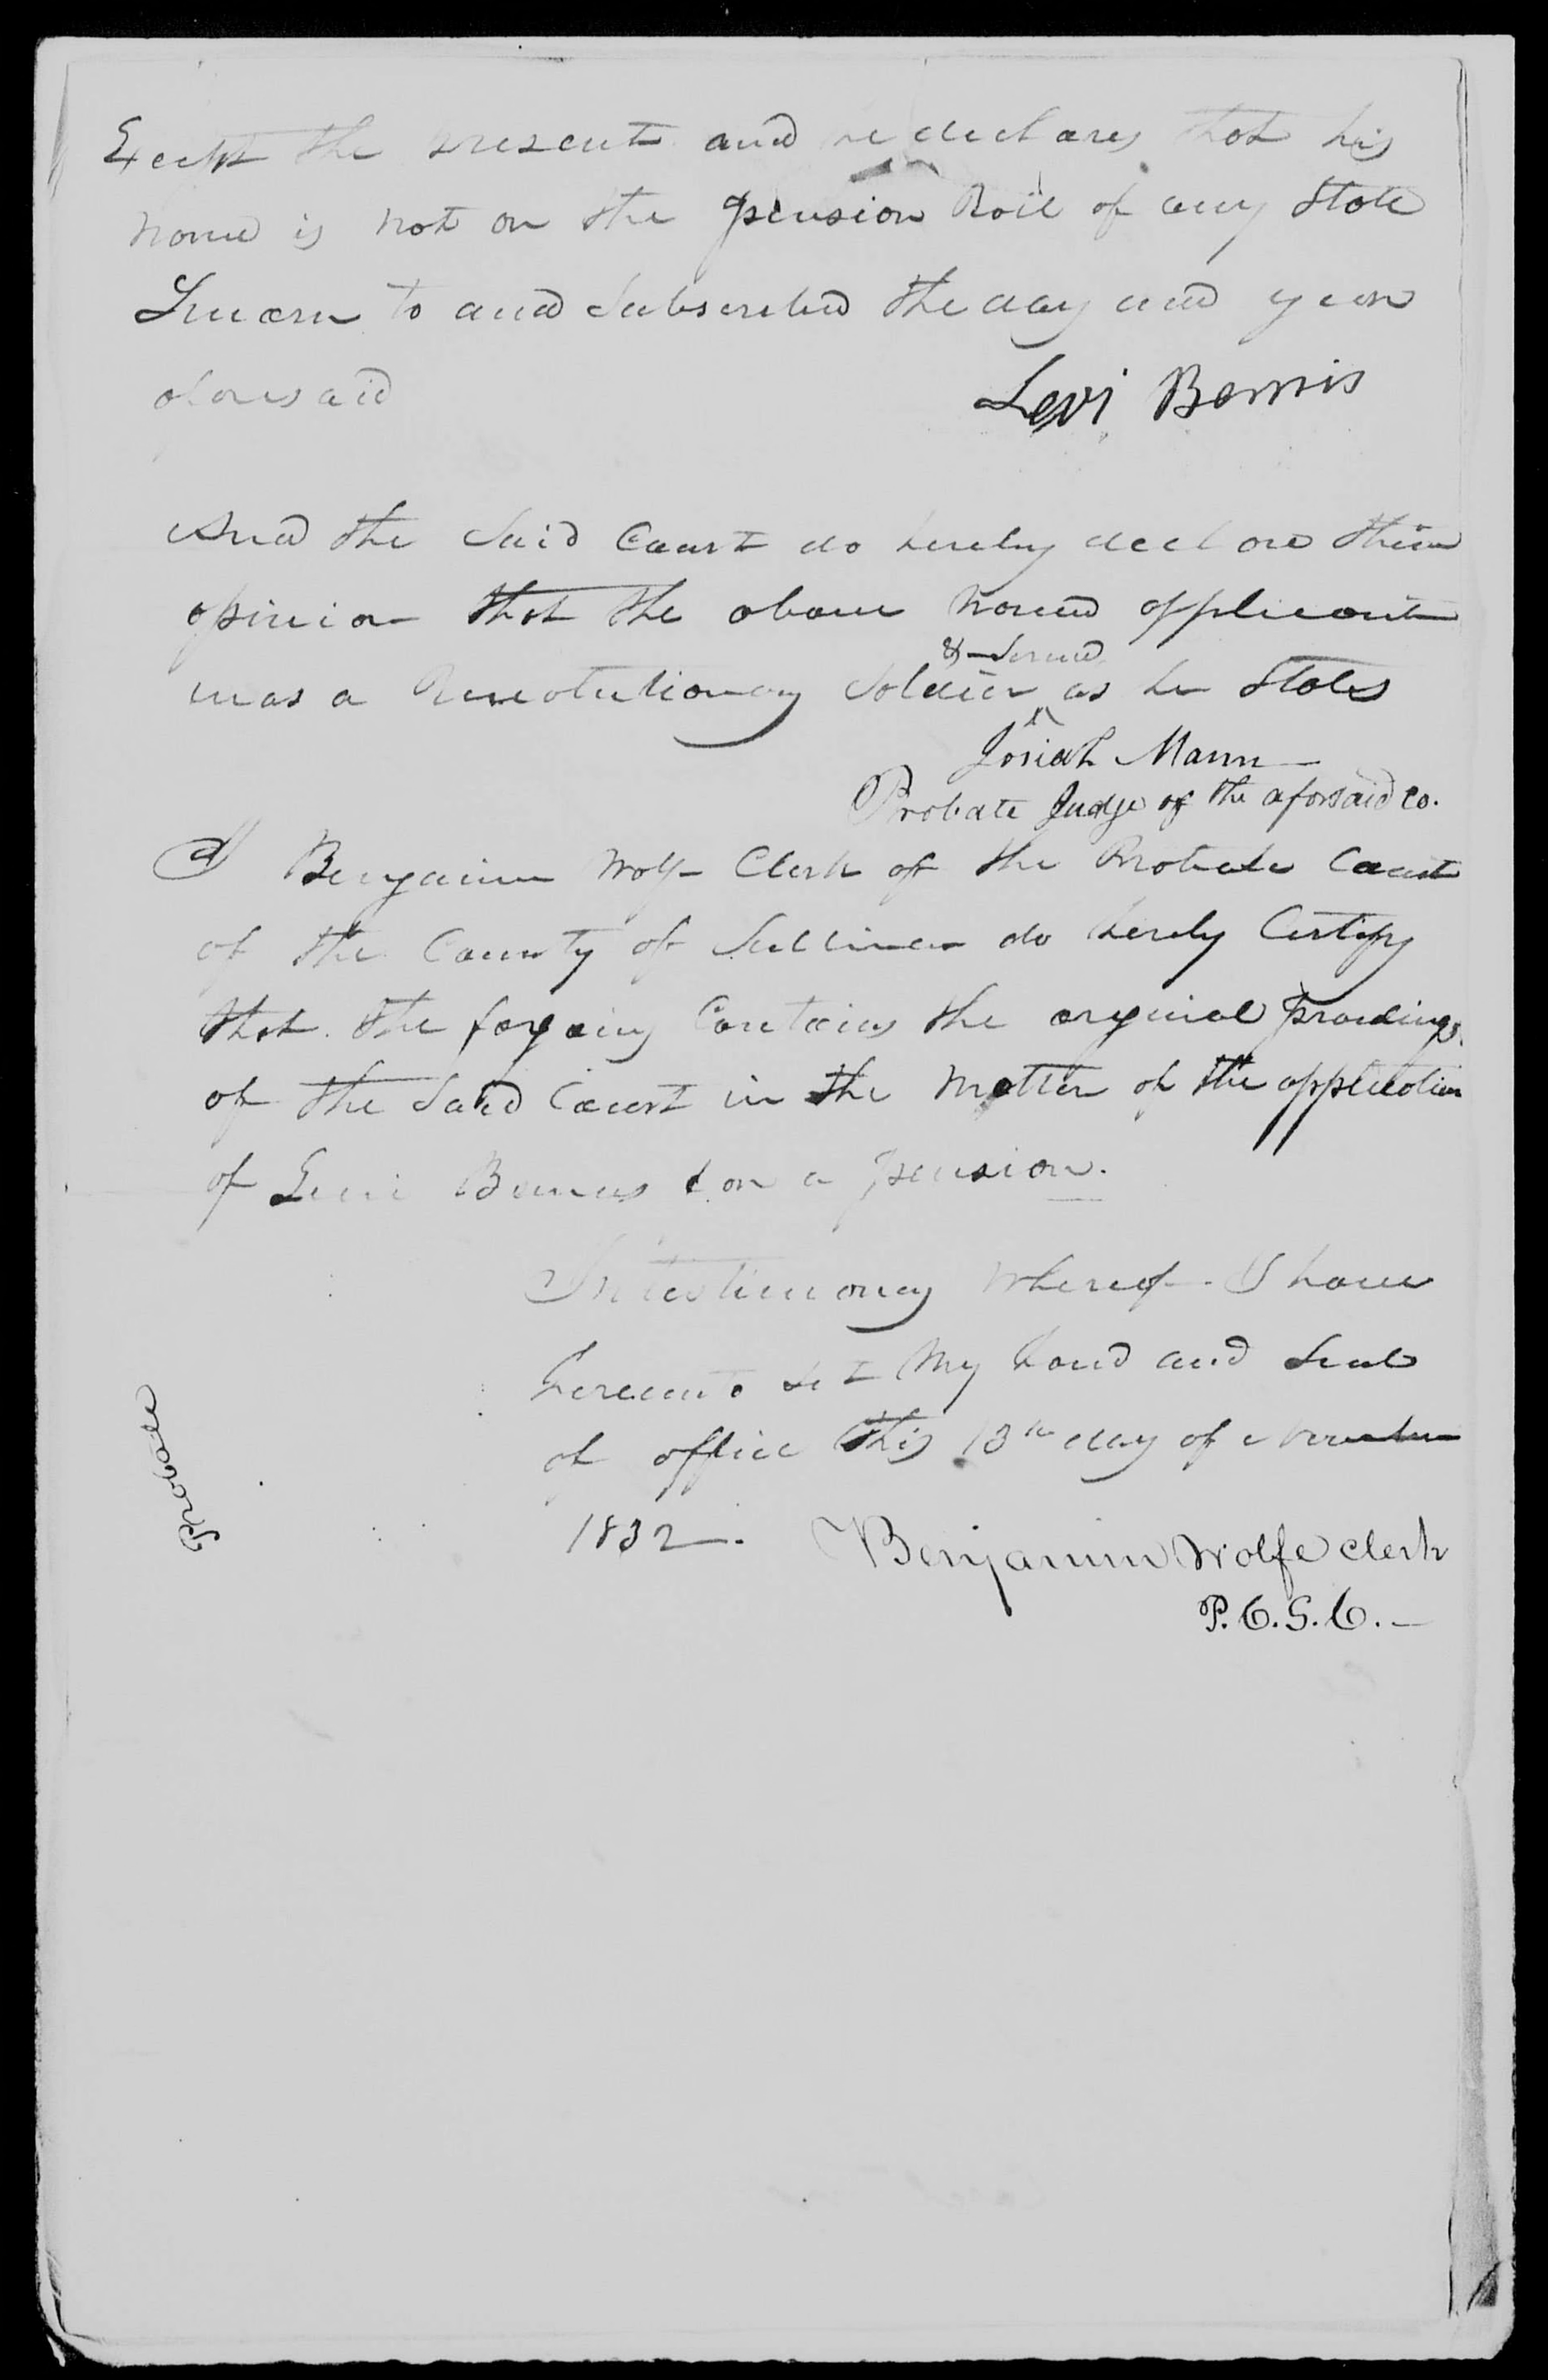Except the present and he declares that his name is not on the pension Roll of any State 
Sworn to and Subscribed the day and year aforesaid /s/Levi Bemis
And the said Court do hereby declare their opinion that the above named applicant was a Revolutionary Soldier & served as he states
/s/Josiah Mann Probate Judge of the aforesaid co. 
I Benjamin Wolfe Clerk of the Probate Court of the County of Sullivan do hereby certify that the foregoing contains the original proc'dings of the Said Court in the matter of the application of Levi Bemas for a pension. 
[court seal affixed] In testimony whereof I have hereunto set my hand and Seal of office this 10th day of November 1832. 
/s/Benjamin Wolfe clerk P.C.S.C. - 
Probate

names: Benjamin Wolfe, Levi Bemis, Benjamin Wolfe, Levi Bemus, Josiah Mann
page: 5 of 14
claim: survivor's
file: S. 32116, Levi Bemis, Vt.